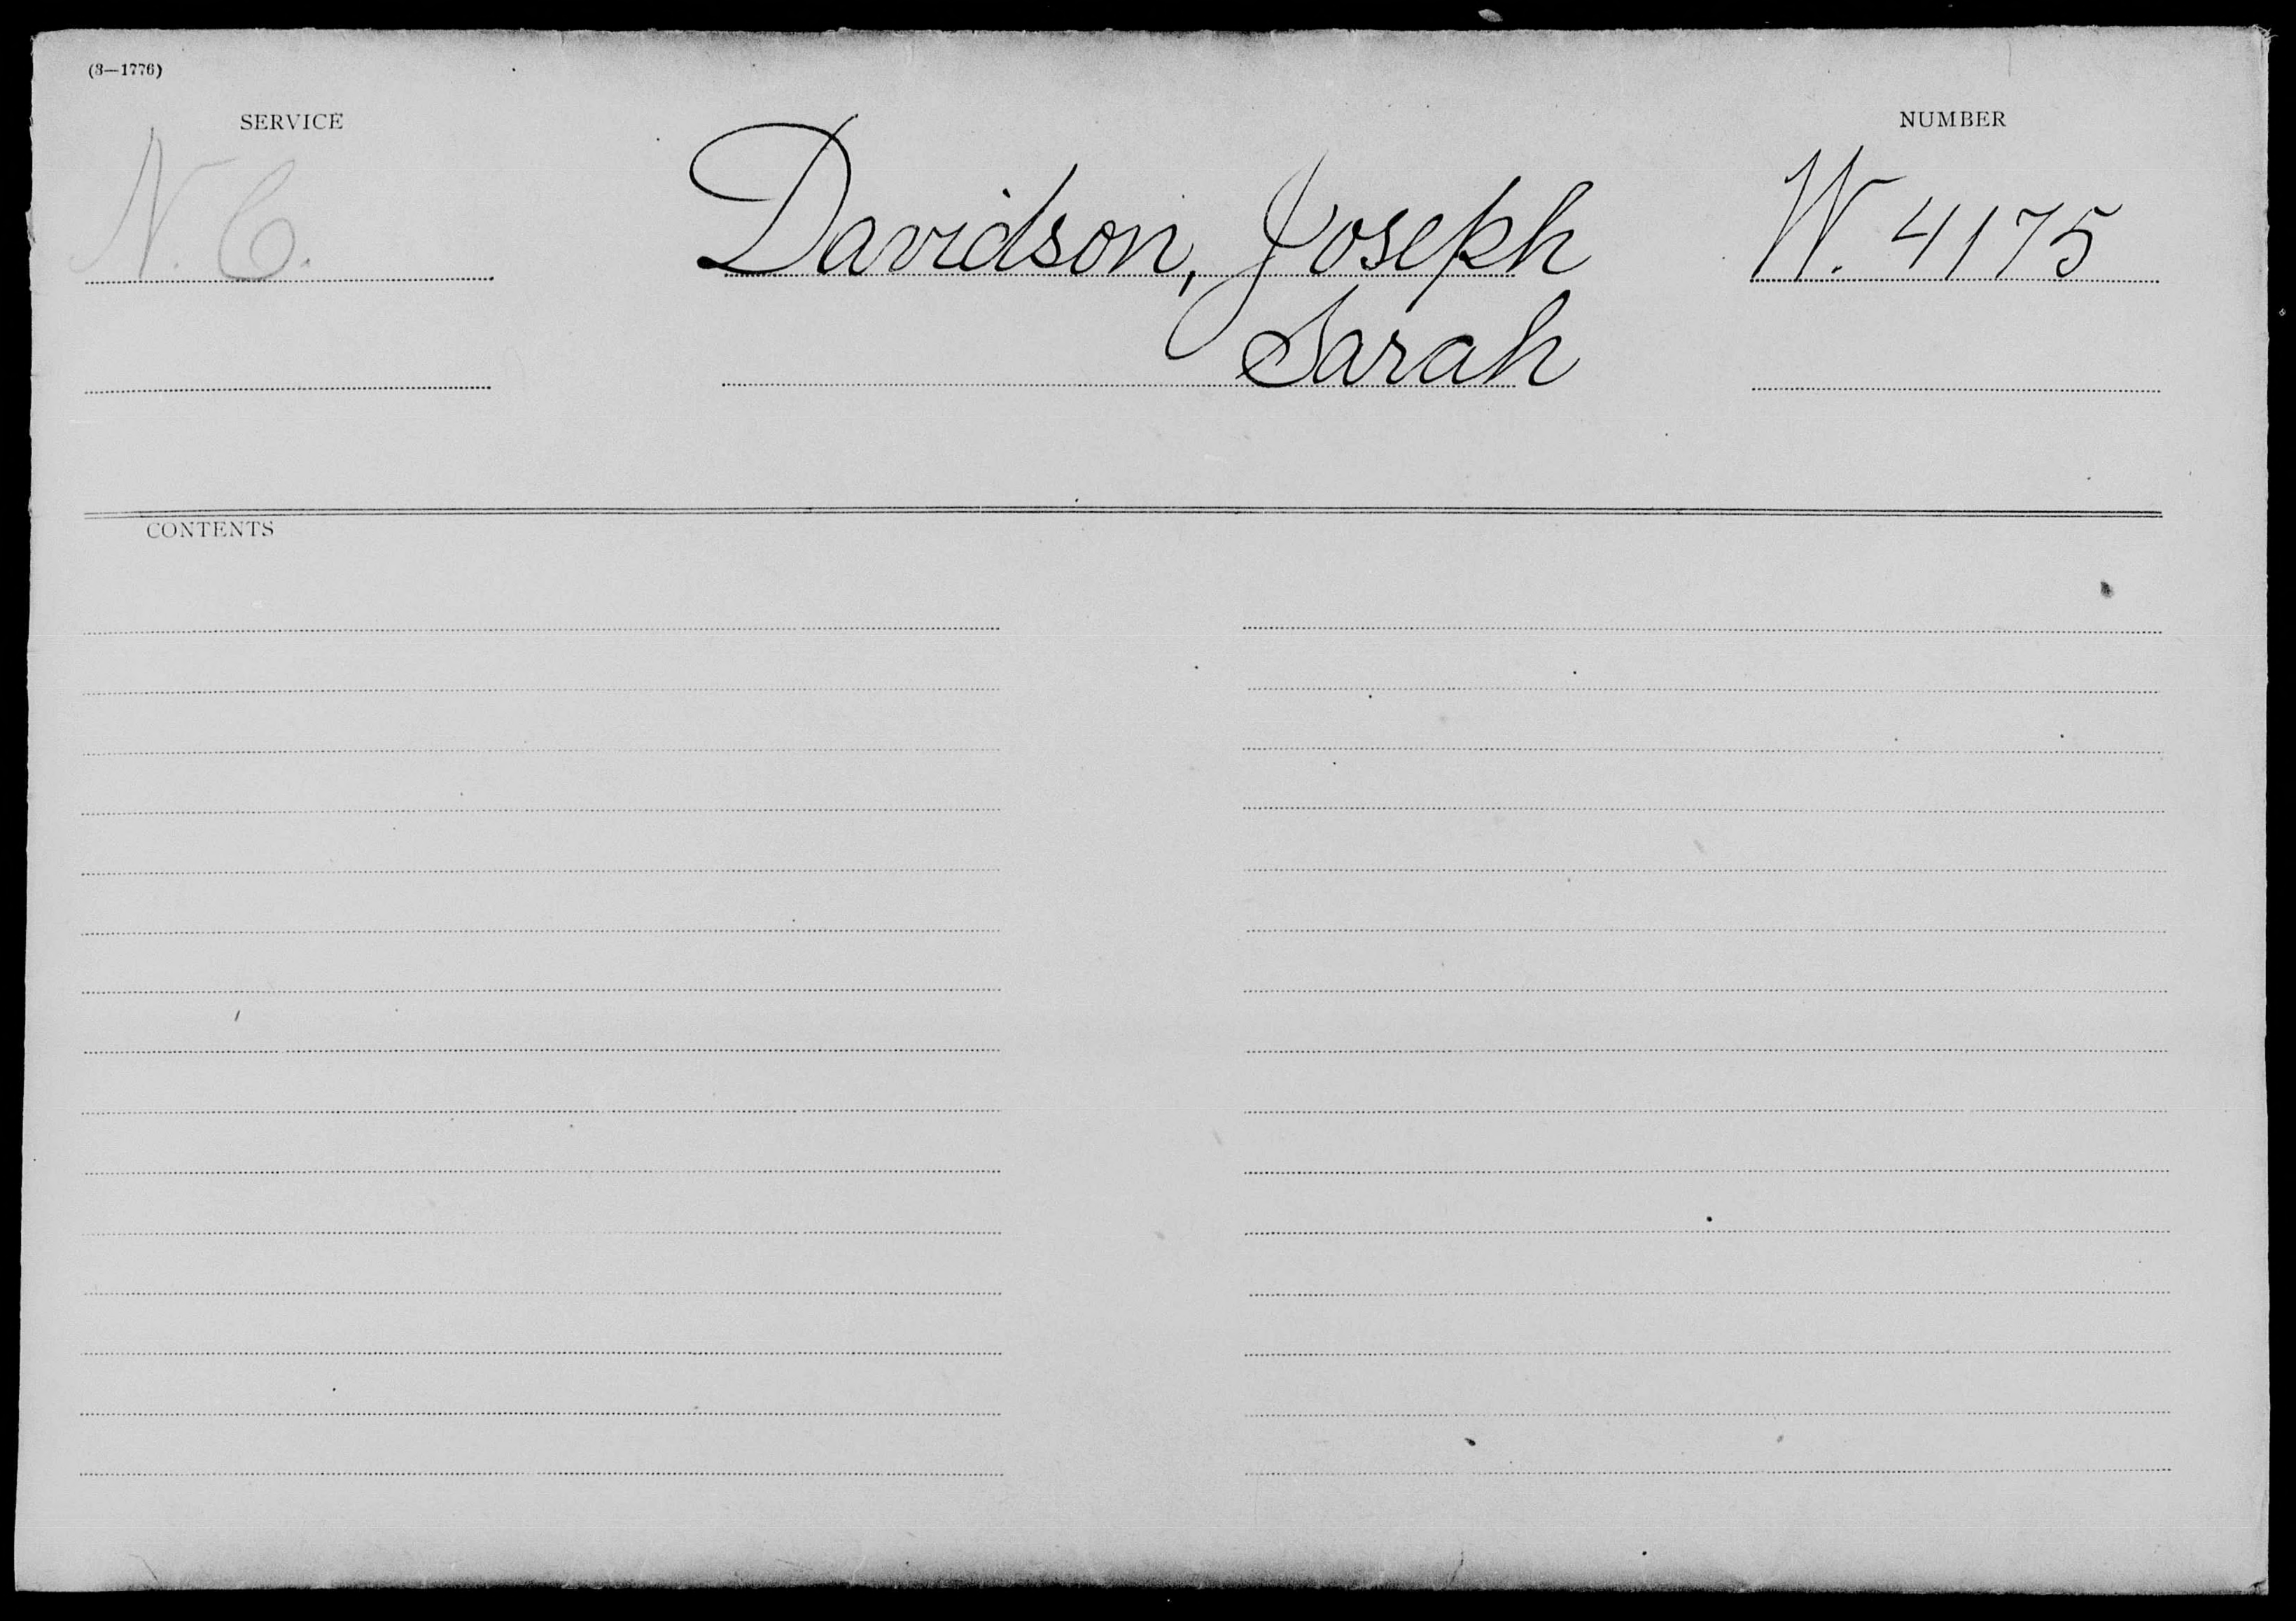Service North Carolina  Davidson, Joseph Sarah   Number W.4175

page: 1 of 63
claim: widow's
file: W. 4175, Joseph Davidson, N.C.